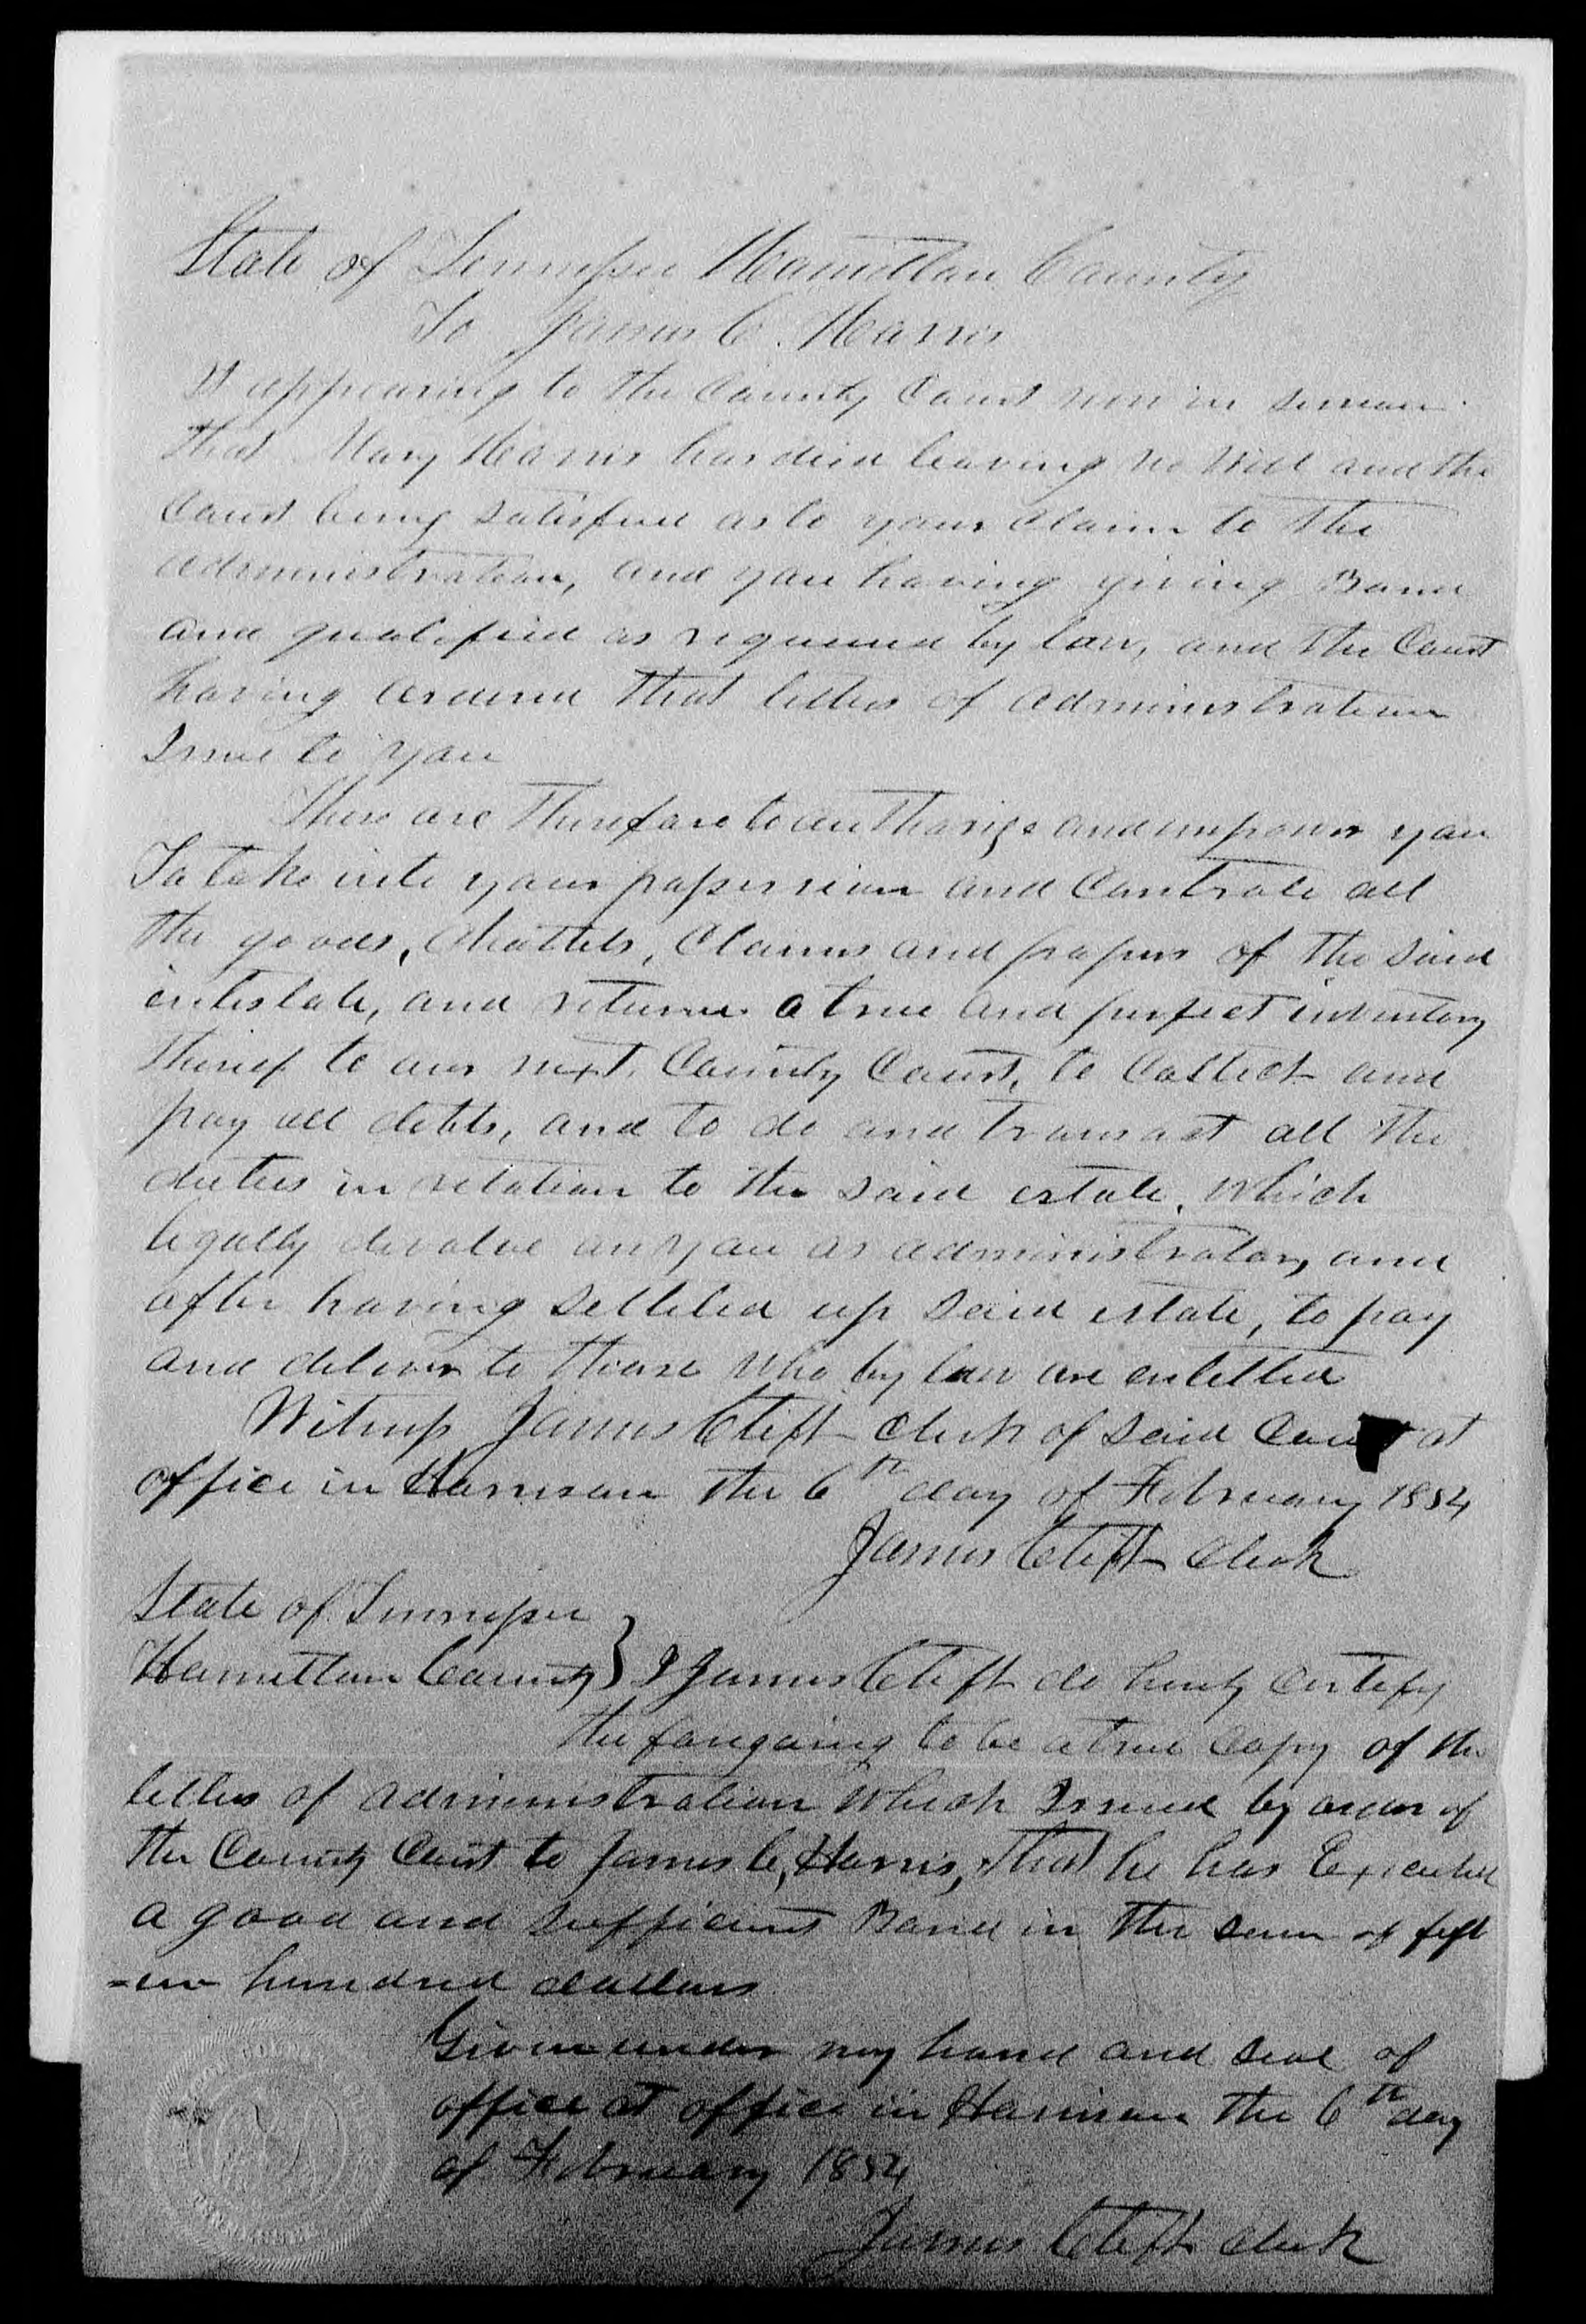State of Tennessee Hamilton County
To John C. Harris
It appearing to the County Court now in session that Mary Harris has died leaving no will and the Court being satisfied as to your claim to the administration, and you having giving Bond and qualified as required by law, and the Court having [?] that letters of Administration Issue to you
These are therefore to authorize and empower you to take into your possession and control all the goods, chattels, claims and papers of the said intestate, and return a true and perfect inventory thereof to our next County Court, to collect and pay all debts, and to do and transact all the duties in relation to the said estate, which legally devolve on you as administrator and after having settled up said  estate, to pay and deliver to those who by law are entitled.
Witness  James Clift Clerk of Said Court at office in Harrison the 6th day of February 1884
James Clift clerk

State of Tennessee}
Hamilton County}
I James Clift do hereby certify the foregoing to be a true copy of the letters of administration which issued by order of  the County Court to James C. Harris, that he has Executed a good and sufficient Bond in the sum of fifteen hundred dollars.
Given under my hand and seal of office at office in Harrison the 6th day of February 1854.
James Clift, Clerk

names: Mary Harris, James Clift, James Clift, James Clift, James C Harris, James Clift, James C Harris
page: 7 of 160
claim: rejected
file: R. 4666, James Harris, Va.